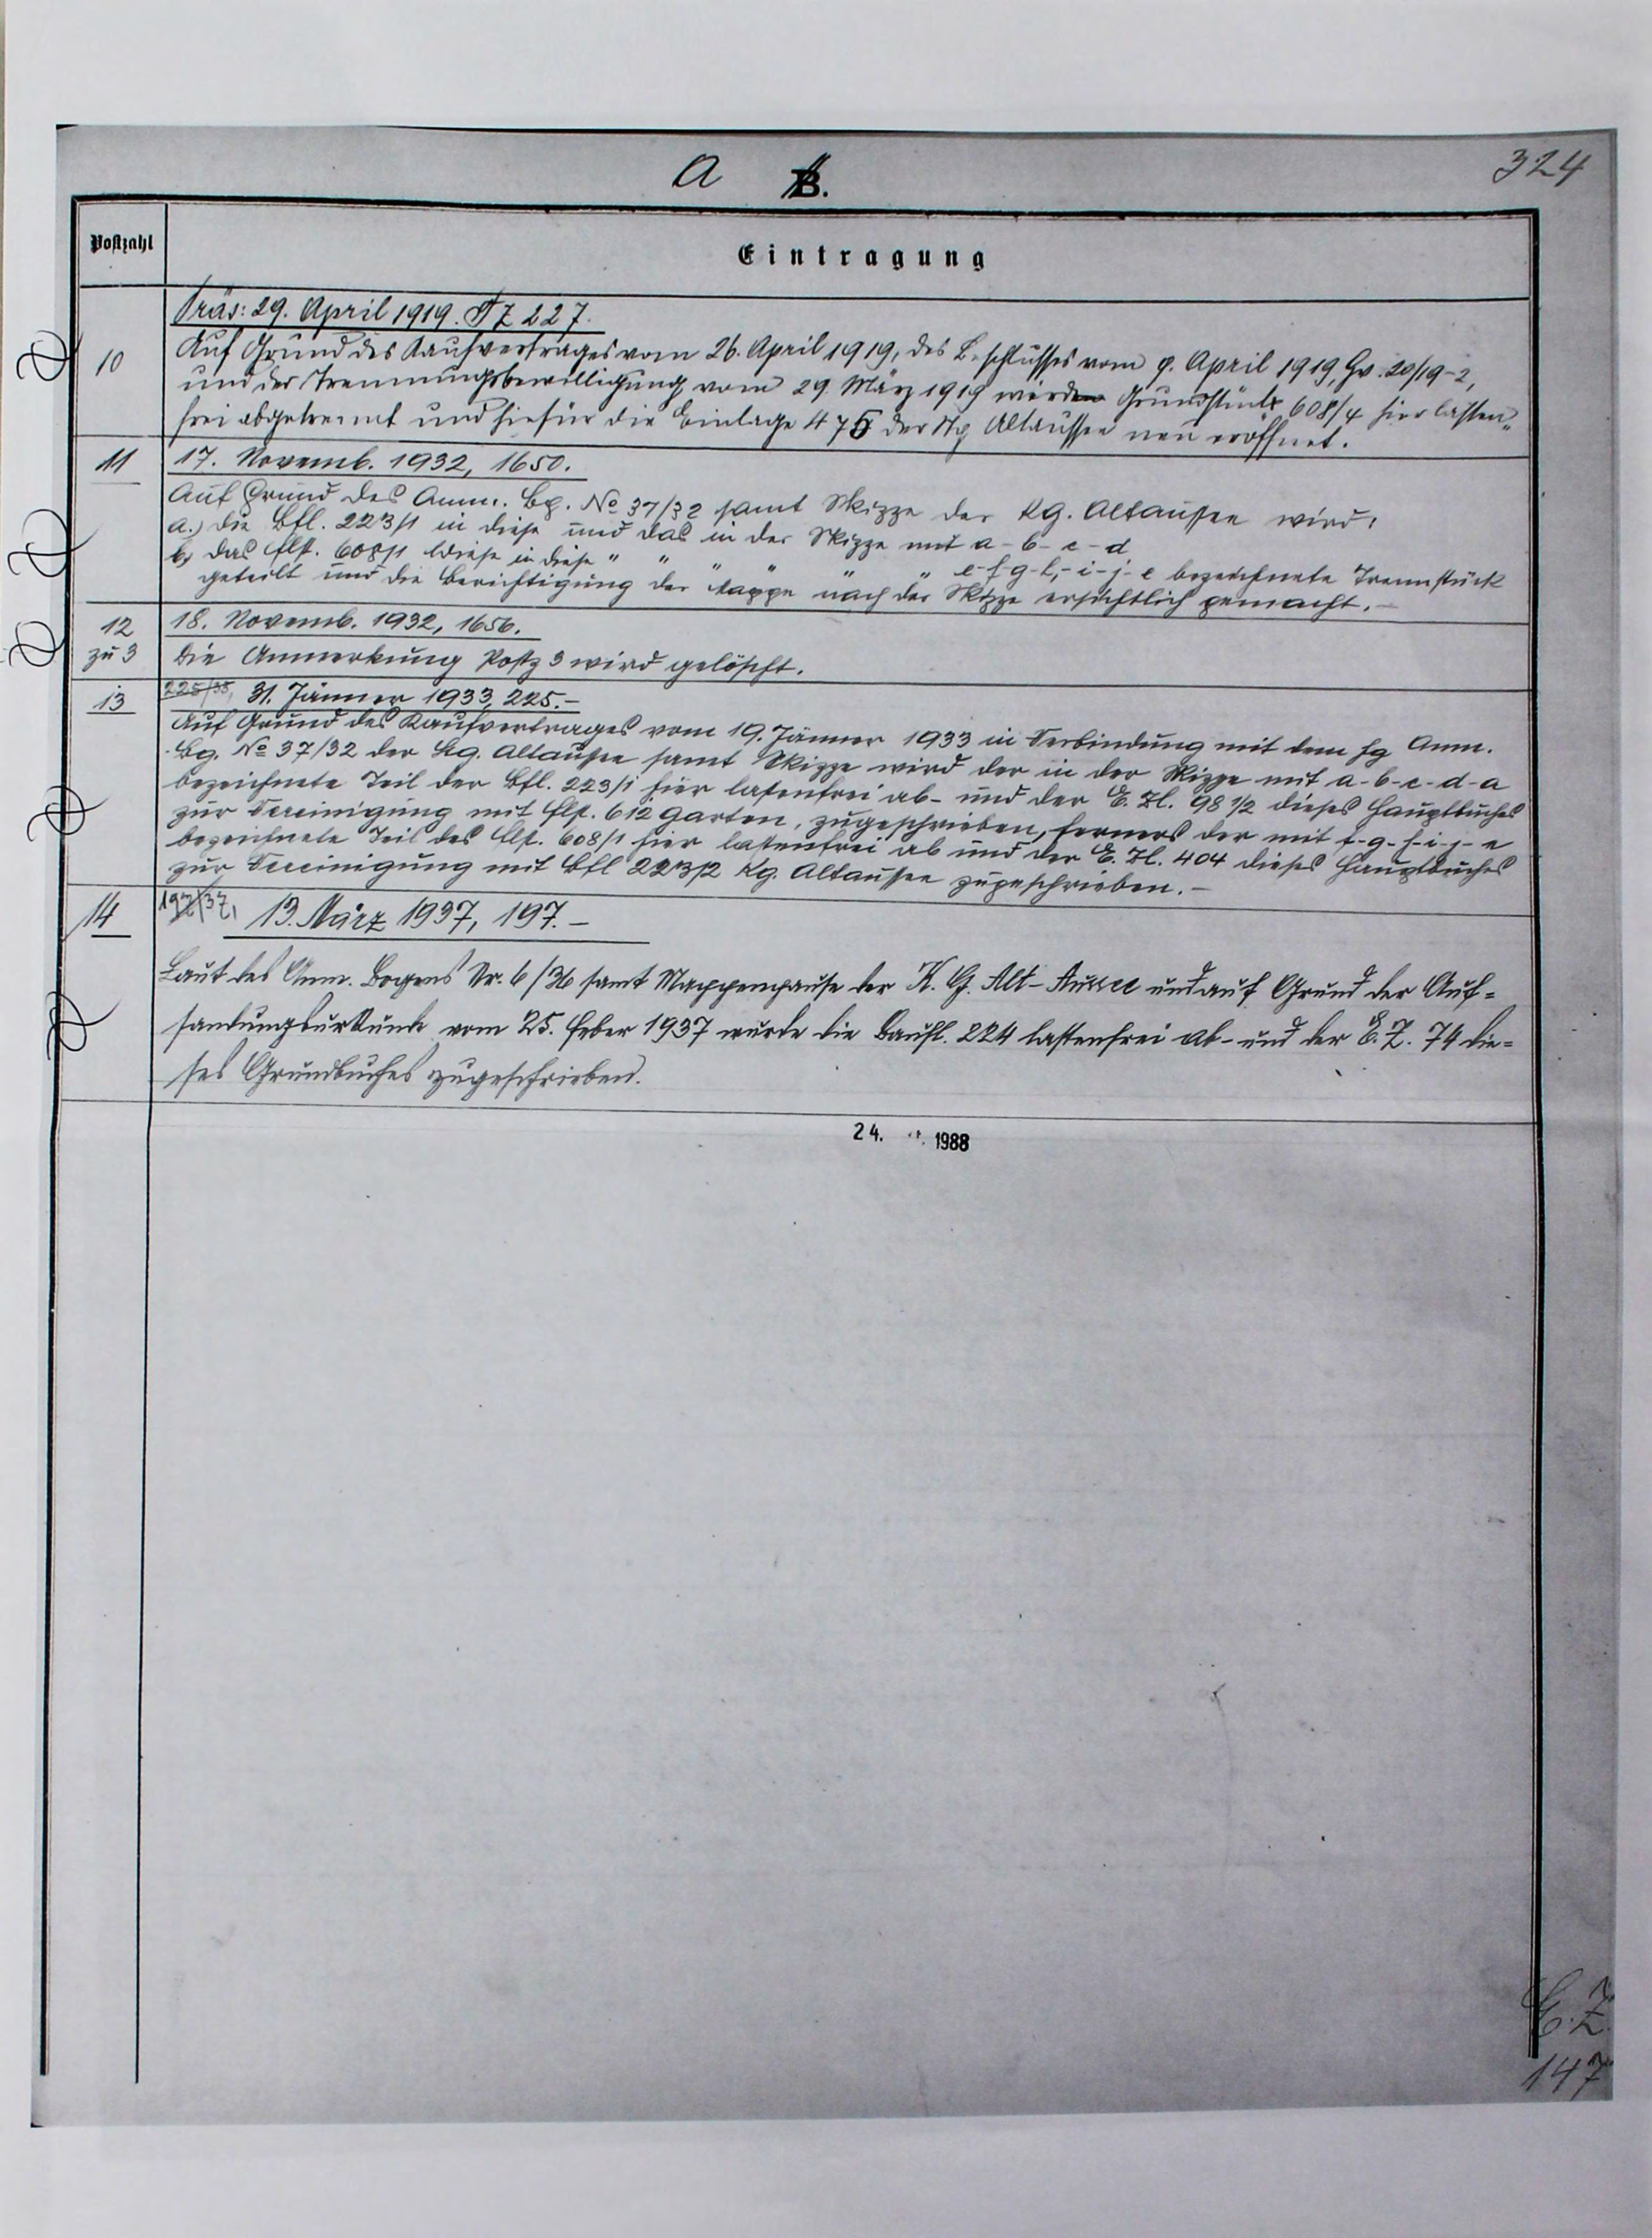A B.
324
Postzahl
Eintragung
Präs: 29. April 1919. T Z 227.
Auf Grund des Kaufvertrages vom 26. April 1919, des Beschlusses vom 9. April 1919, Gv. 20/19-2,
und der Trennungsbewilligung vom 29. März 1919 wird Grundstück 608/4 hier lasten„
frei abgetrennt und hiefür die Einlage 475 der Stg Altaussee neu eröffnet.
10
11
17. Novemb. 1932, 1650.
Auf Grund des Amm. Bg. No 37/32 samt Skizze der Rg. Altaussee wird:
a) Die Bfl. 223/1 in diese und das in der Skizze mit a - b - c - d
b) Das Flst. 608/1 Wiese in diese „ „ „ „ „ „ e - f - g - h, - i - j - e bezeichnete Trennstück
geteilt und die Berichtigung der Mappe nach der Skizze ersichtlich gemacht.
12
zu 3
18. Novemb. 1932, 1656.
Die Anmerkung Postz 3 wird gelöscht.
13
225/35, 31. Jänner 1933, 225. -
Auf Grund des Kaufvertrages vom 19. Jänner 1933 in Verbindung mit dem hg Anm.
Bg. No 37/32 der Stg. Altaussee samt Skizze wird der in der Skizze mit a - b - c - d - a
bezeichnete Teil der Bfl. 223/1 hier lastenfrei ab- und der E.Zl. 98 1/2 dieses Hauptbuches
zur Vereinigung mit Fl?. 612 Garten, zugeschrieben, Ferners der mit f - g - h - i - j - n
bezeichnete Teil des Fl?. 608/1 hier lastenfrei ab und der E. Zl. 404 dieses Hauptbuches
zur Vereinigung mit Bfl 223/2 Kg. Altaussee zugeschrieben.
14
197/37, 13. März 1937, 197. -
Laut des Anm. Borgens Nr. 6/63 samt Machchenchause der K.H. Alt-Aussee und auf Grund der Auf=
sandungburkunde vom 25 Feber 1937 wurde die Baufl. 224 lastenfrei ab- und der E.Z. 74 die=
ses Grundbuches zugeschrieben.
24. ??? 1988
? Z.
147